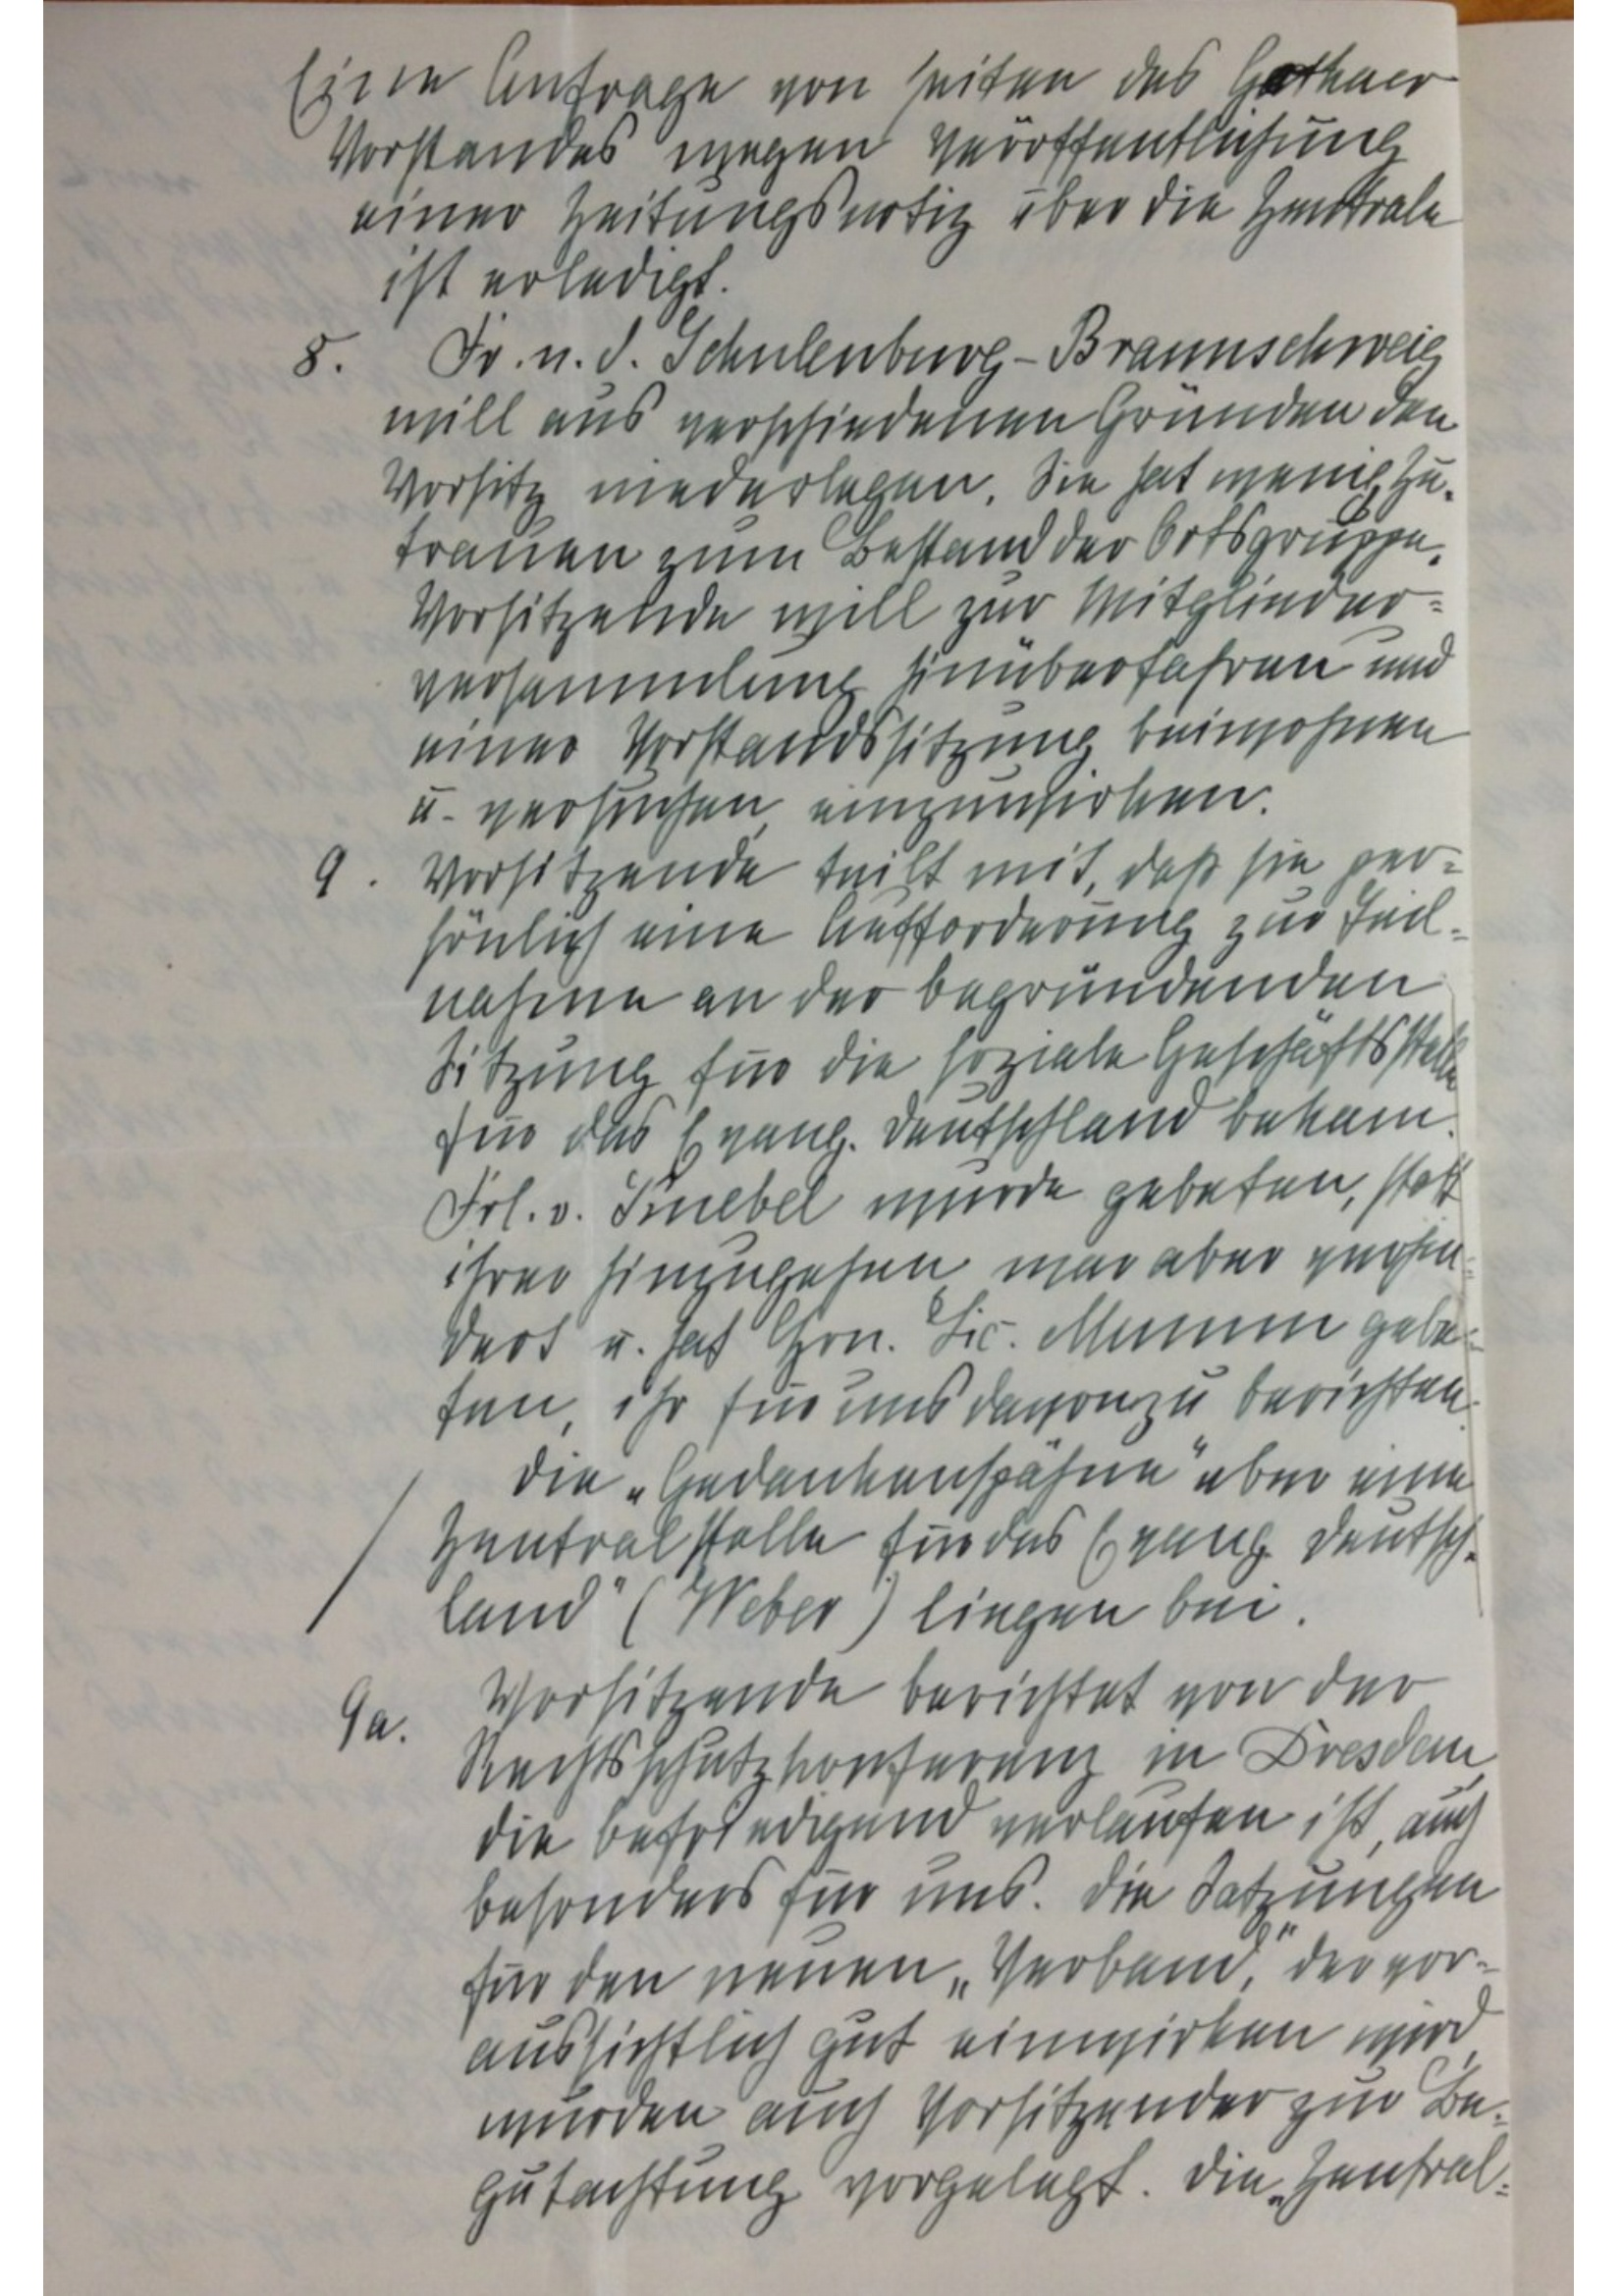9a.
Ein Antrag von Seiten des Gothaer
Vorstandes wegen Veroffentlichung
einer Zeitungsnotiz über die Zentrale
ist erledigt.
Fr. v. d. Schulenburg - Braunschweig
8.
willl aus verschiedenen Gründen den
Vorsitz niederlegen. Sie hat wenig Zu
trauen zum Bestand der Ortsgruppe.
Vorsitzende will zur Mitglieder
versammlung hinüberfahren und
einer Vorstandsitzung beiwohnen
u. versuchen einzuwirken.
Vorsitzende teilt mit, da0 sie per
9.
sönlich eine Aufforderung zur Teil
nahme an der begründenden
Sitzung für die Soziale Geschäftsstelle
für das Evang. Deutschlang bekam.
Frl. v. Imebel wurde gebeten statt
iherer hinzugehen war aber verhin
dert u hat Hrn. Lic. Mumm gebe
ten, ihr für uns davon zu beichten
die „Gedankenspähne" über eine
Zentrale Stelle für das Evang. Deutsch
land (Weber) liegen bei.
Vorsitzende berichtet von der
Rechtsschutzkonferenz in Dresden.
Die befriedigend verlaufen ist, auch
besonders für uns. Die Satzungen
für den neuen „Verband" der vor
rausichtlich gut einwirken wird
wurden auch Vorsitzender zur Be
gutachtung vorgelegt. Die „Zentral